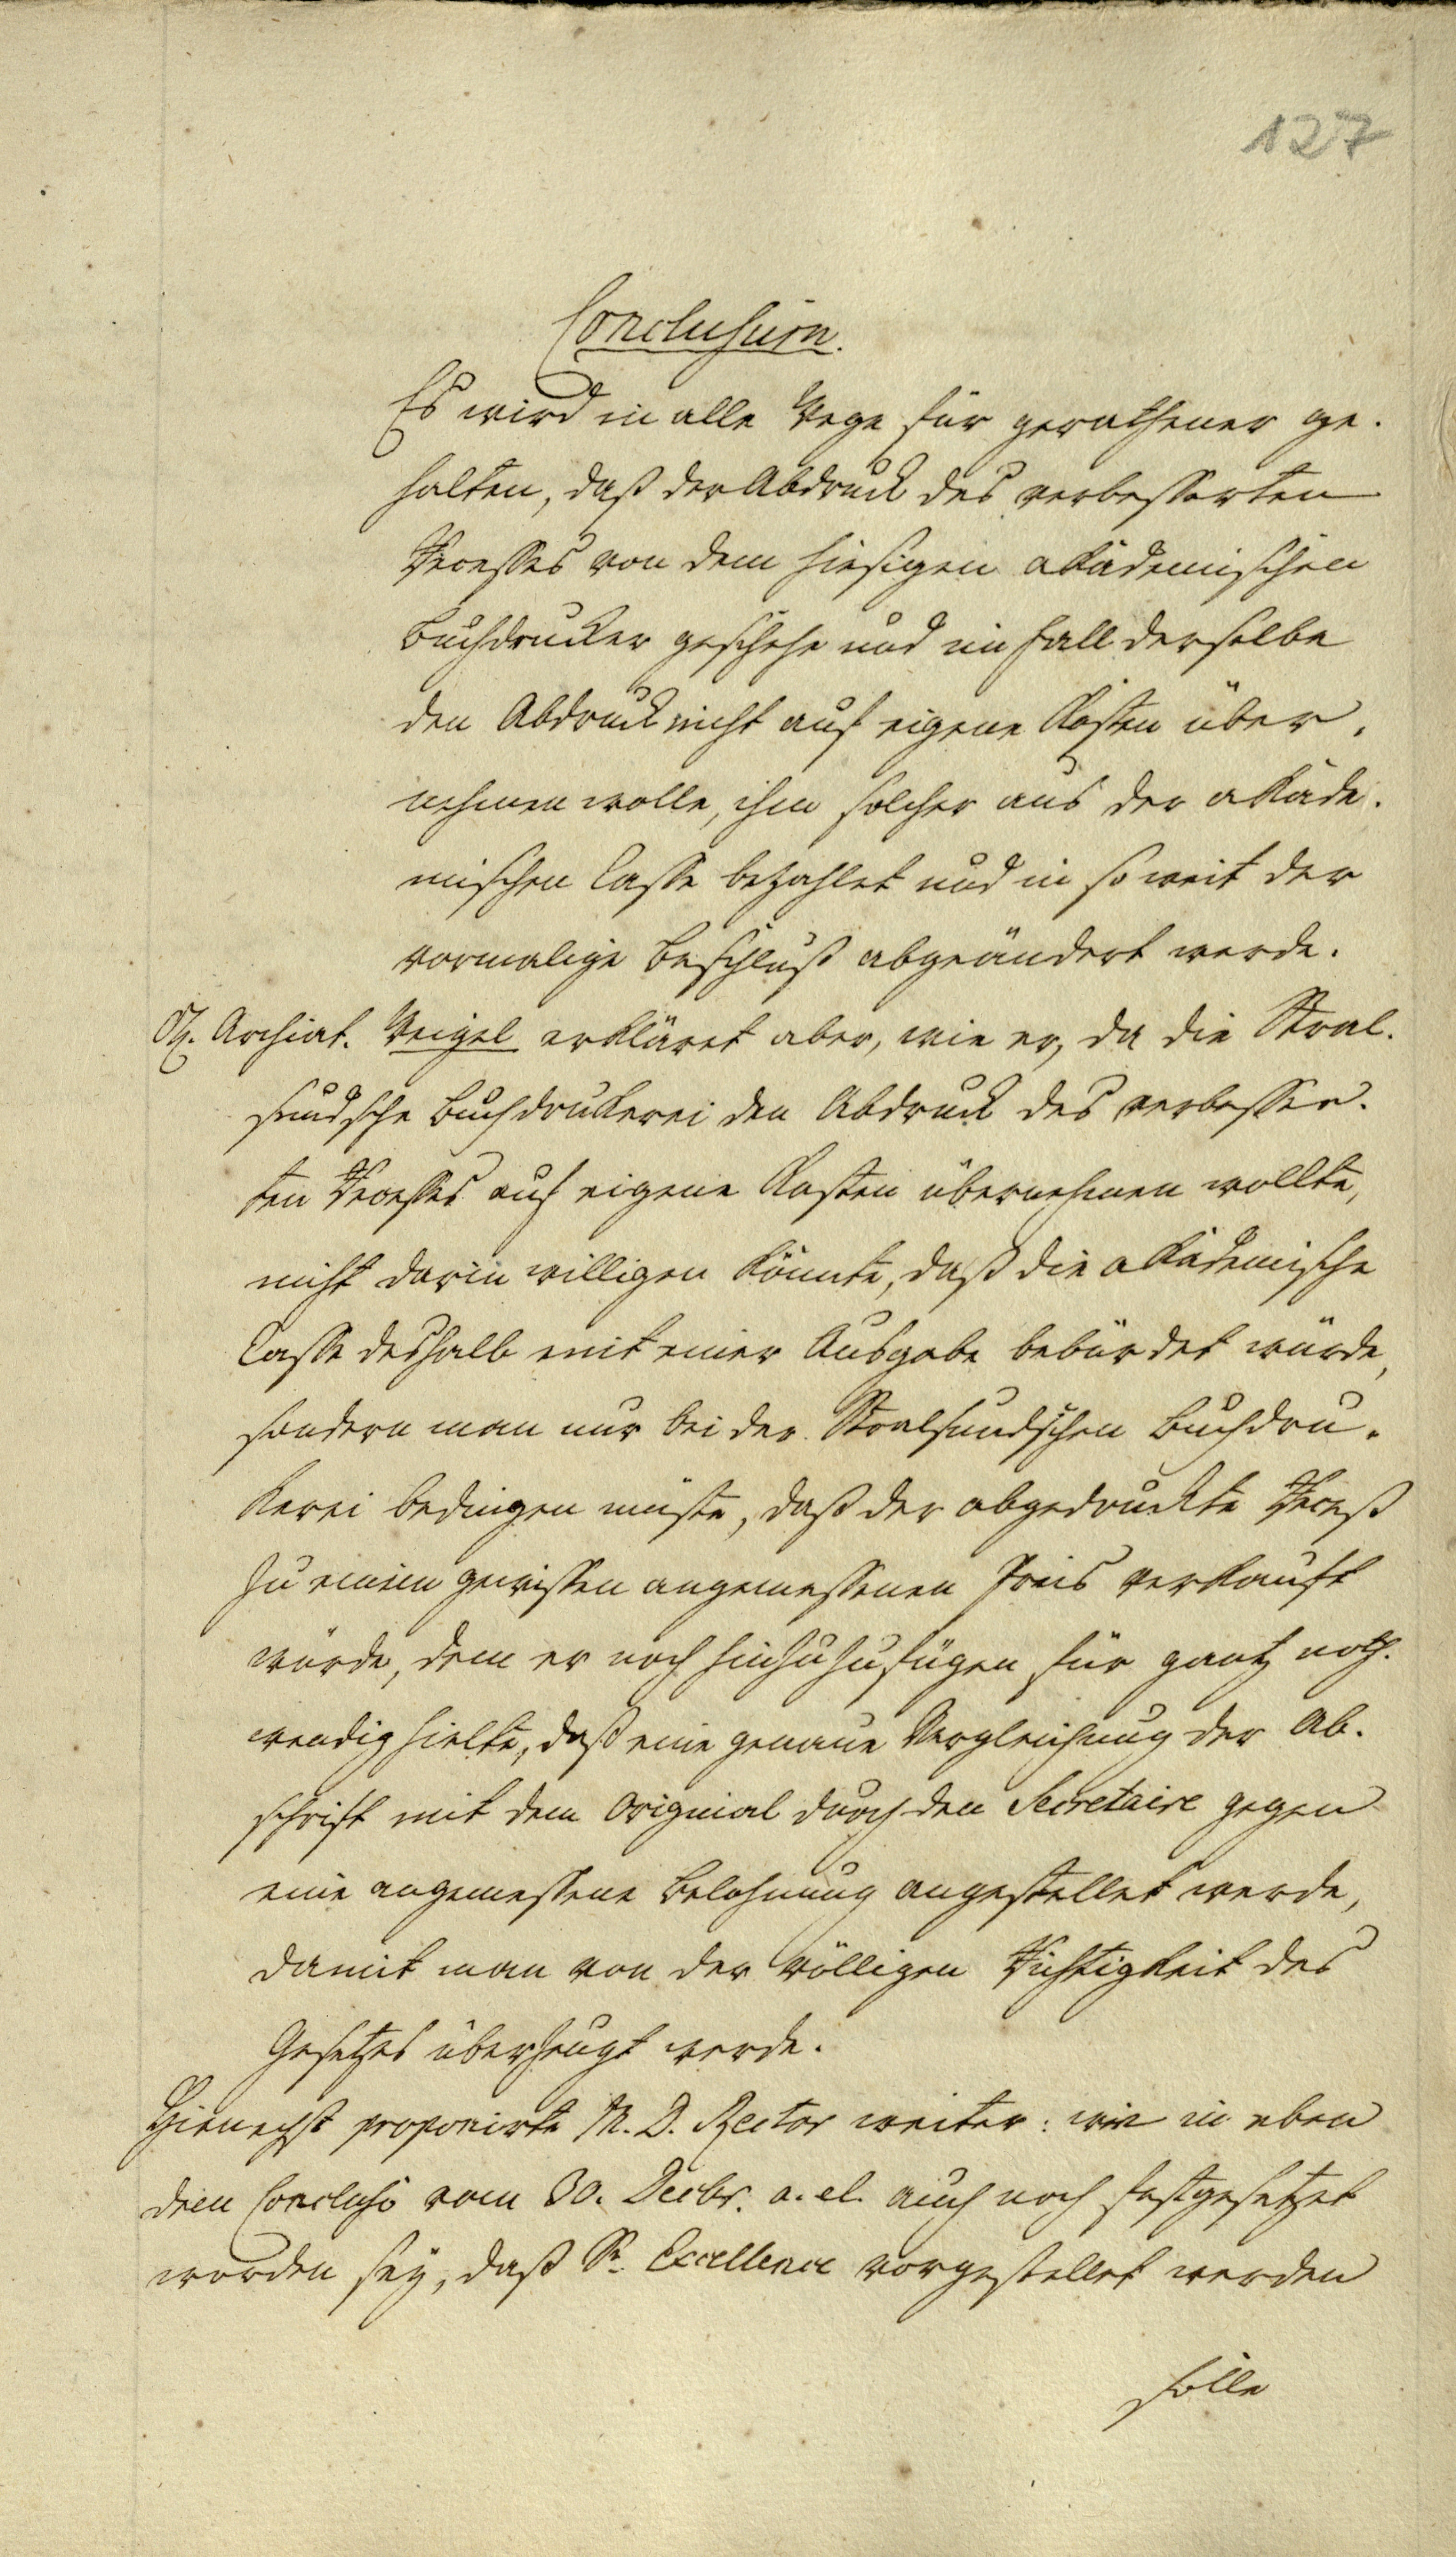Conclusum.
Es wird in alle Wege für gerathener ge¬
halten, daß der Abdruck des verbesserten
Recesses von dem hiesigen akademischen
Buchdrucker geschehe und im Fall derselbe
den Abdruck nicht auf eigene Kosten über¬
nehmen wolle, ihm solcher aus der akade¬
mischen Casse bezahlet und in so weit der
vormalige Beschluß abgeändert werde.
dh. Archiat. Weigel erkläret aber, wie er, da die Stral¬
sundsche Buchdruckerei den Abdruck des verbesser¬
ten Recesses auf eigene Kosten übernehmen wollte,
nicht darin willigen könnte, daß die akademische
Casse deshalb mit einer Ausgabe bebürdet würde,
sondern man nur bei der Stralsundschen Buchdru¬
kerei bedingen müßte, daß der abgedruckte Receß
zu einem gewissen angemessenen Preis verkauft
würde, dem er noch hinzuzufügen für gantz noth¬
wendig hielte, daß eine genaue Vergleichung der Ab¬
schrift mit dem Oripmal durch den Secretaire gegen
eine angemessene Belohnung angestellet werde,
damit man von der völligen Richtigkeit des
Gesetzes überzeugt werde.
Hienechst proponirte M. D. Rector weiter: wie in eben
dem Concluso vom 30. Decbr. a. et. auch noch festgesetzet
worden seÿ, daß Sr. Excellence vorgestellet werden
solle